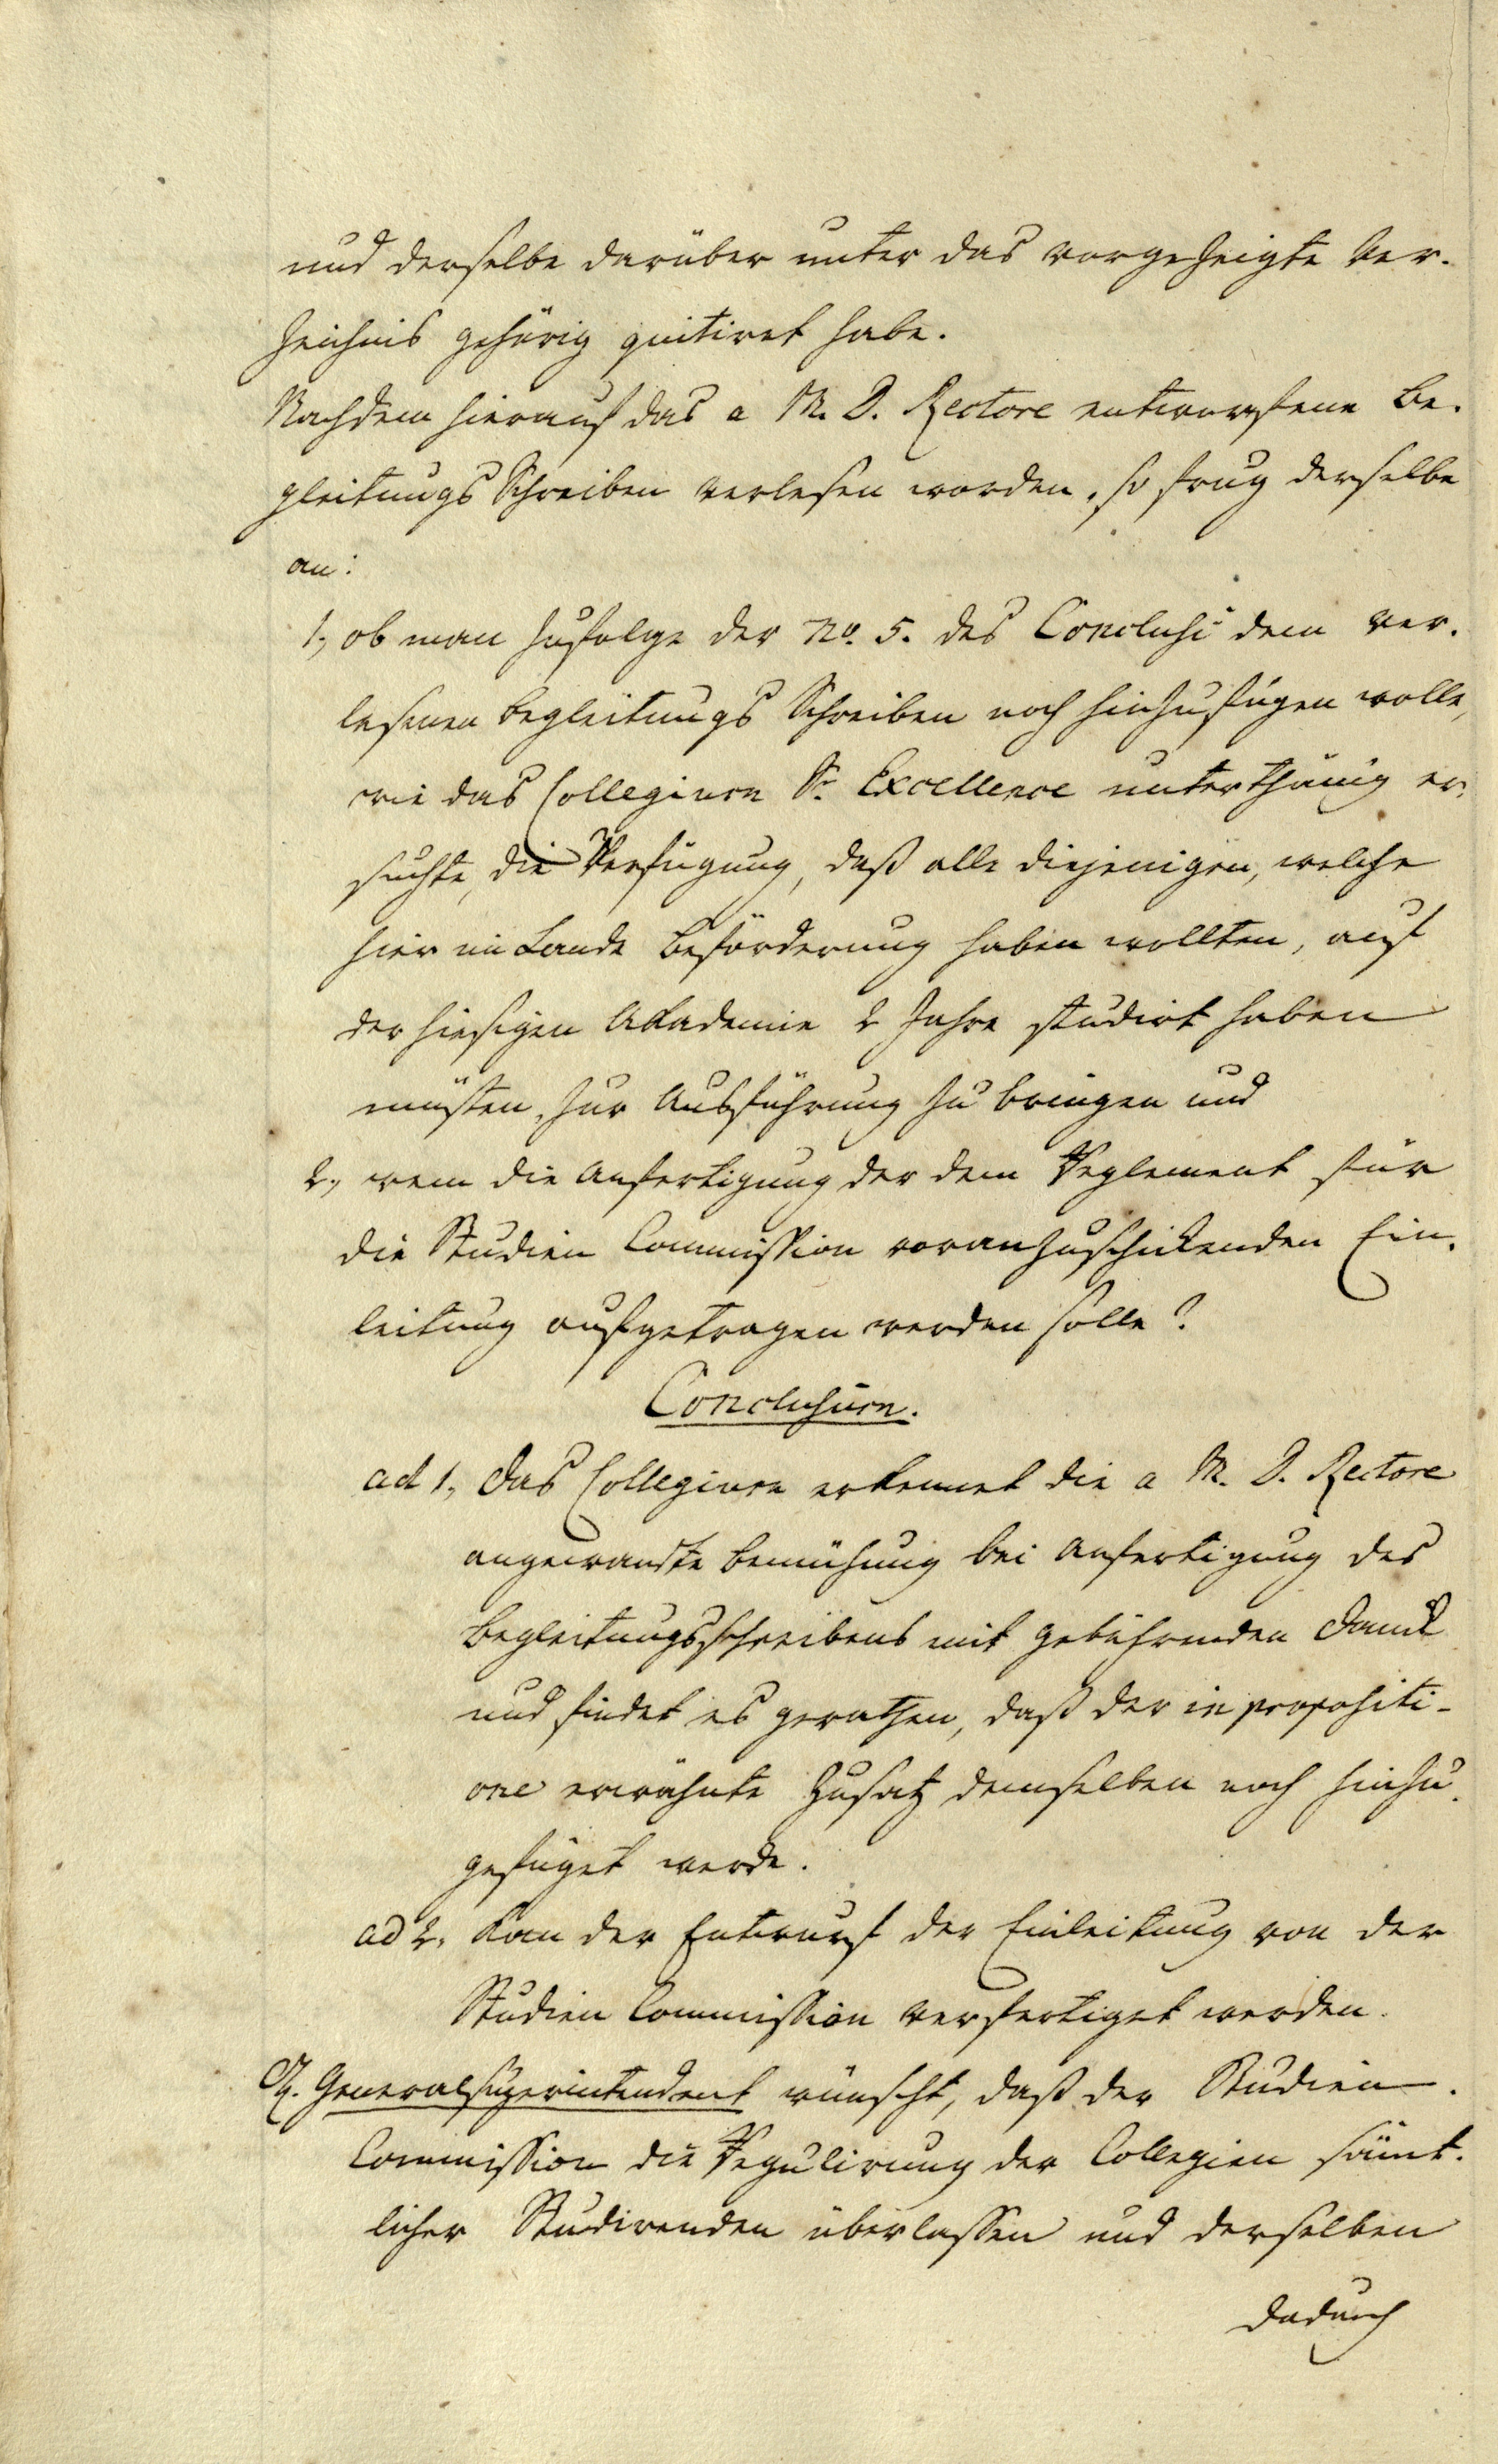und derselbe darüber unter das vorgezeigte Ver¬
zeichnis gehörig quitiret habe.
Nachdem hierauf das a M. D. Rectore entworfene Be¬
gleitungs Schreiben verlesen worden, so frug derselbe
an:
1., ob man zufolge der No. 5. des Conclusi dem ver¬
lesenen Begleitungs Schreiben noch hinzufügen wolle,
wie das Collegium Sr Excellence unterthänig er¬
suchte, die Verfügung, daß alle diejenigen, welche
hier im Lande Beförderung haben wollten, auf
der hiesigen Akademie 2 Jahre studirt haben
müßten, zur Ausführung zu bringen und
2., wem die Anfertigung der dem Reglement für
die Studien Commission voranzuschickenden Ein¬
leitung aufgetragen werden solle?
Conclusum.
ad 1., Das Collegium erkennet die a M. D. Rectore
angewandte Bemühung bei Anfertigung des
Begleitungsschreibens mit gebührenden Danck
und findet es gerathen, daß der in propositi¬
one erwähnte Zusatz demselben noch hinzu¬
gefüget werde.
ad 2, Kan der Entwurf der Einleitung von der
Studien Commission verfertiget werden.
dh. Generalsuperintendent wünscht, daß der Studien¬
Commission die Regulirung der Collegien sämt¬
licher Studirenden überlassen und derselben
dadurch